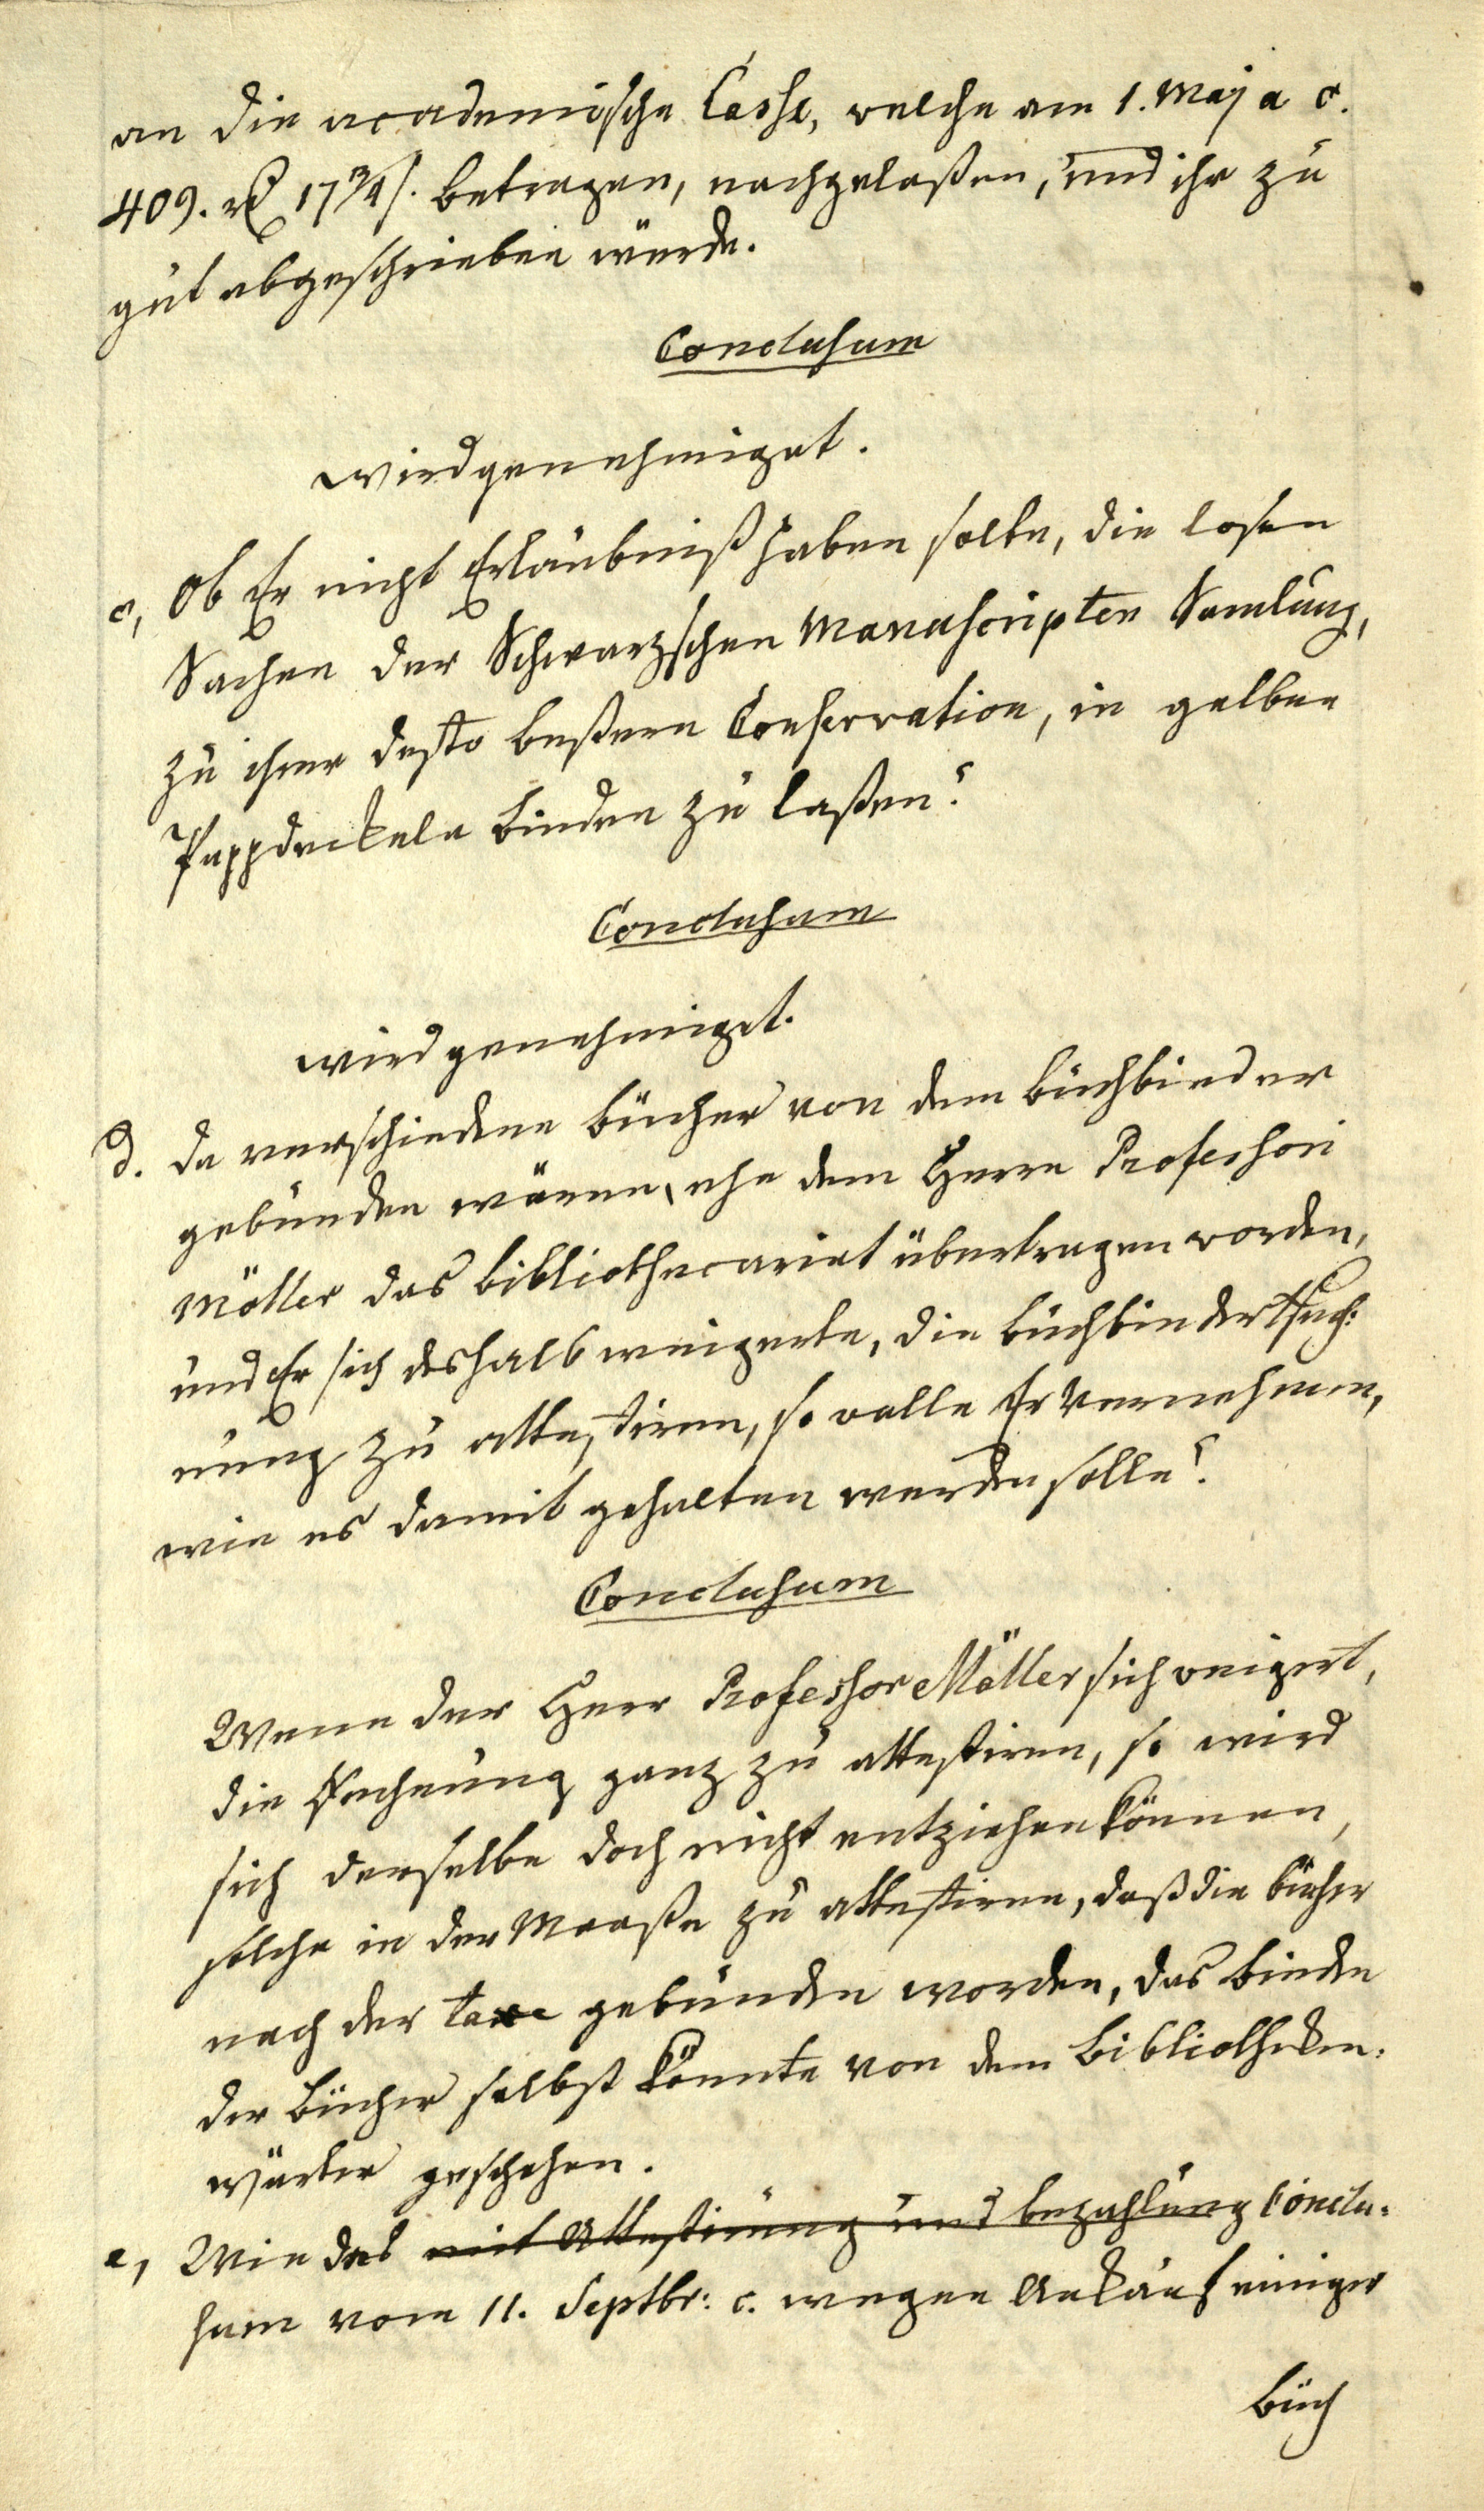an die academische Casse, welche an 1. Maÿ a c.¬
409. rl 17 ¾ s. betragen, nachgelaßen, und ihr zu
gut abgeschrieben würde.
Conclusum
wird genehmiget.
c, ob Er nicht Erlaubniß haben solte, die losen
Sachen der Schwarzschen Manuscripten Samlung,
zu ihrer desto beßern Conservation, in gelben
Pappdeckeln binden zu laßen?
Conclusum
wird genehmiget.
d. da verschiedene Bücher von dem Buchbinder
gebunden wären, ehe dem Herrn Professori
Möller das Bibliothecariat übertragen worden,
und Er sich deshalb weigerte, die BuchbinderRech¬
nung zu attestiren, so wolle Er vernehmen,
wie es damit gehalten werden solle?
Conclusum
Wann der Herr Professor Möller sich weigert,
die Rechnung ganz zu attestiren, so wird
sich derselbe doch nicht entziehen können,
solche in der Maaße zu attestiren, daß die Bücher
nach der Taxe gebunden worden, das Binden
die Bücher selbst könnte von dem Bibliotheken¬
wärter geschehen.
2, Wie das mit Attestirung und Bezahlung Concl¬
sum vom 11. Septbr. c. wegen Ankauf einiger
Büch